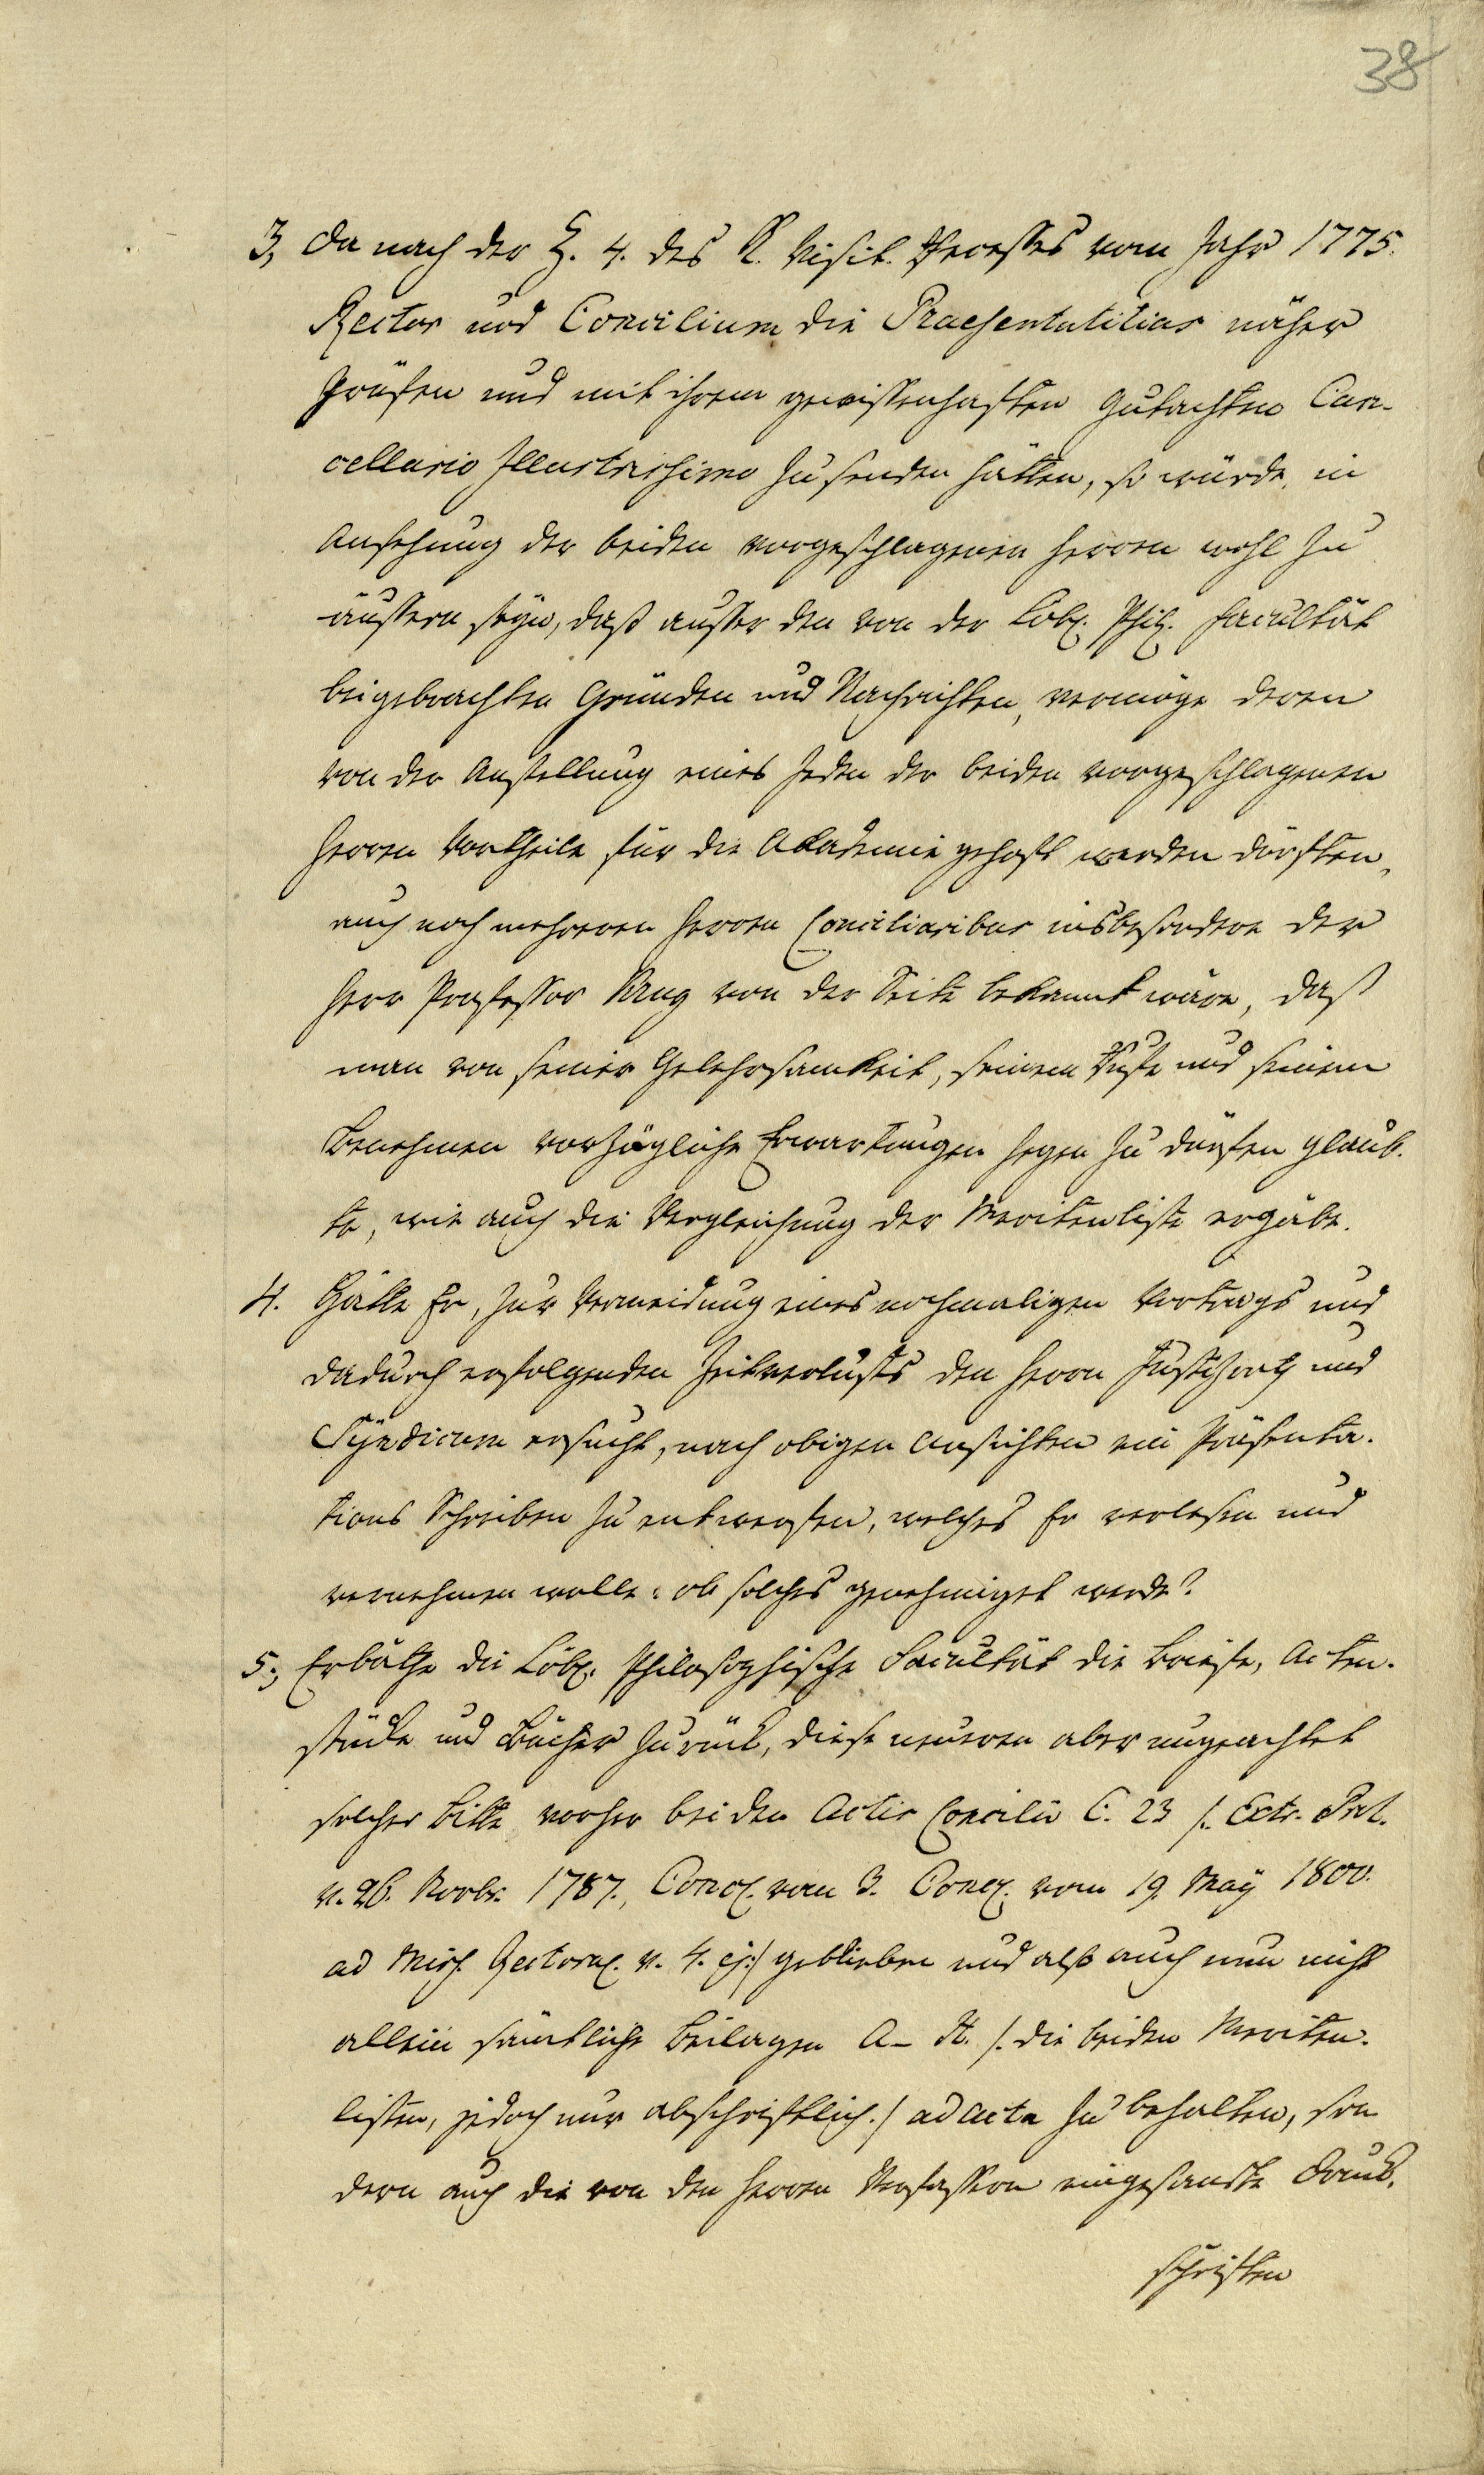3. Da nach der Z. 4. des K. Visit Recesses vom Jahr 1775.
Rector und Concilium die Praesentatitias näher
prüfen und mit ihrem gewissenhaften Gutachten Can¬
cellario Illustrissimo zu senden hätten, so würde, in
Ansehung der beiden vorgeschlagenen Herren wohl zu
äussern seÿn, daß ausser den von der Löbl. Phil. Facultät
beigebrachten Gründen und Nachrichten vermöge deren
von der Anstellung eines Jeden der beiden vorgeschlagenen
Herren Vortheile für die Akademie gehoft werden dürften,
auch noch mehreren Herren Conciliaribus insbesondere der
Herr Professor Krug von der Seite bekannt wäre, daß
man von seiner Gelehrsamkeit, seinem Rufe und seinem
Benehmen vorzügliche Erwartungen hegen zu dürfen glaub¬
te, wie auch die Vergleichung der Meritenliste ergäbe.
4. Hätte Er, zur Vermeidung eines nochmaligen Vortrags und
dadurch erfolgenden Zeitverlusts den Herrn Justizrath und
Sÿndicum ersucht, nach obigen Ansichten ein Präsenta¬
tions Schreiben zu entwerfen, welches Er verlesen und
vernehmen wolle: ob solches genehmiget werde?
5., Erbäthe die Löbl. Philosophische Facultät die Briefe, Acten¬
stücke und Bücher zurück, diese neueren aber ungeachtet
solcher Bitte vorher bei den Actis Concilii C. 23 /. Extr. Prot.
v. 26. Novbr. 1787. Concl. vom 3. Concl. vom 19. Maÿ 1800.
ad Miss. Rectoral. v. 4. ej :/ geblieben und also auch nun nicht
allein sämtliche Beilagen A -H /. die beiden Meriten¬
listen, jedoch nur abschriftlich ./ ad Acta zu behalten, son¬
dern auch die von den Herren Verfassern eingesandte Druck¬
schriften